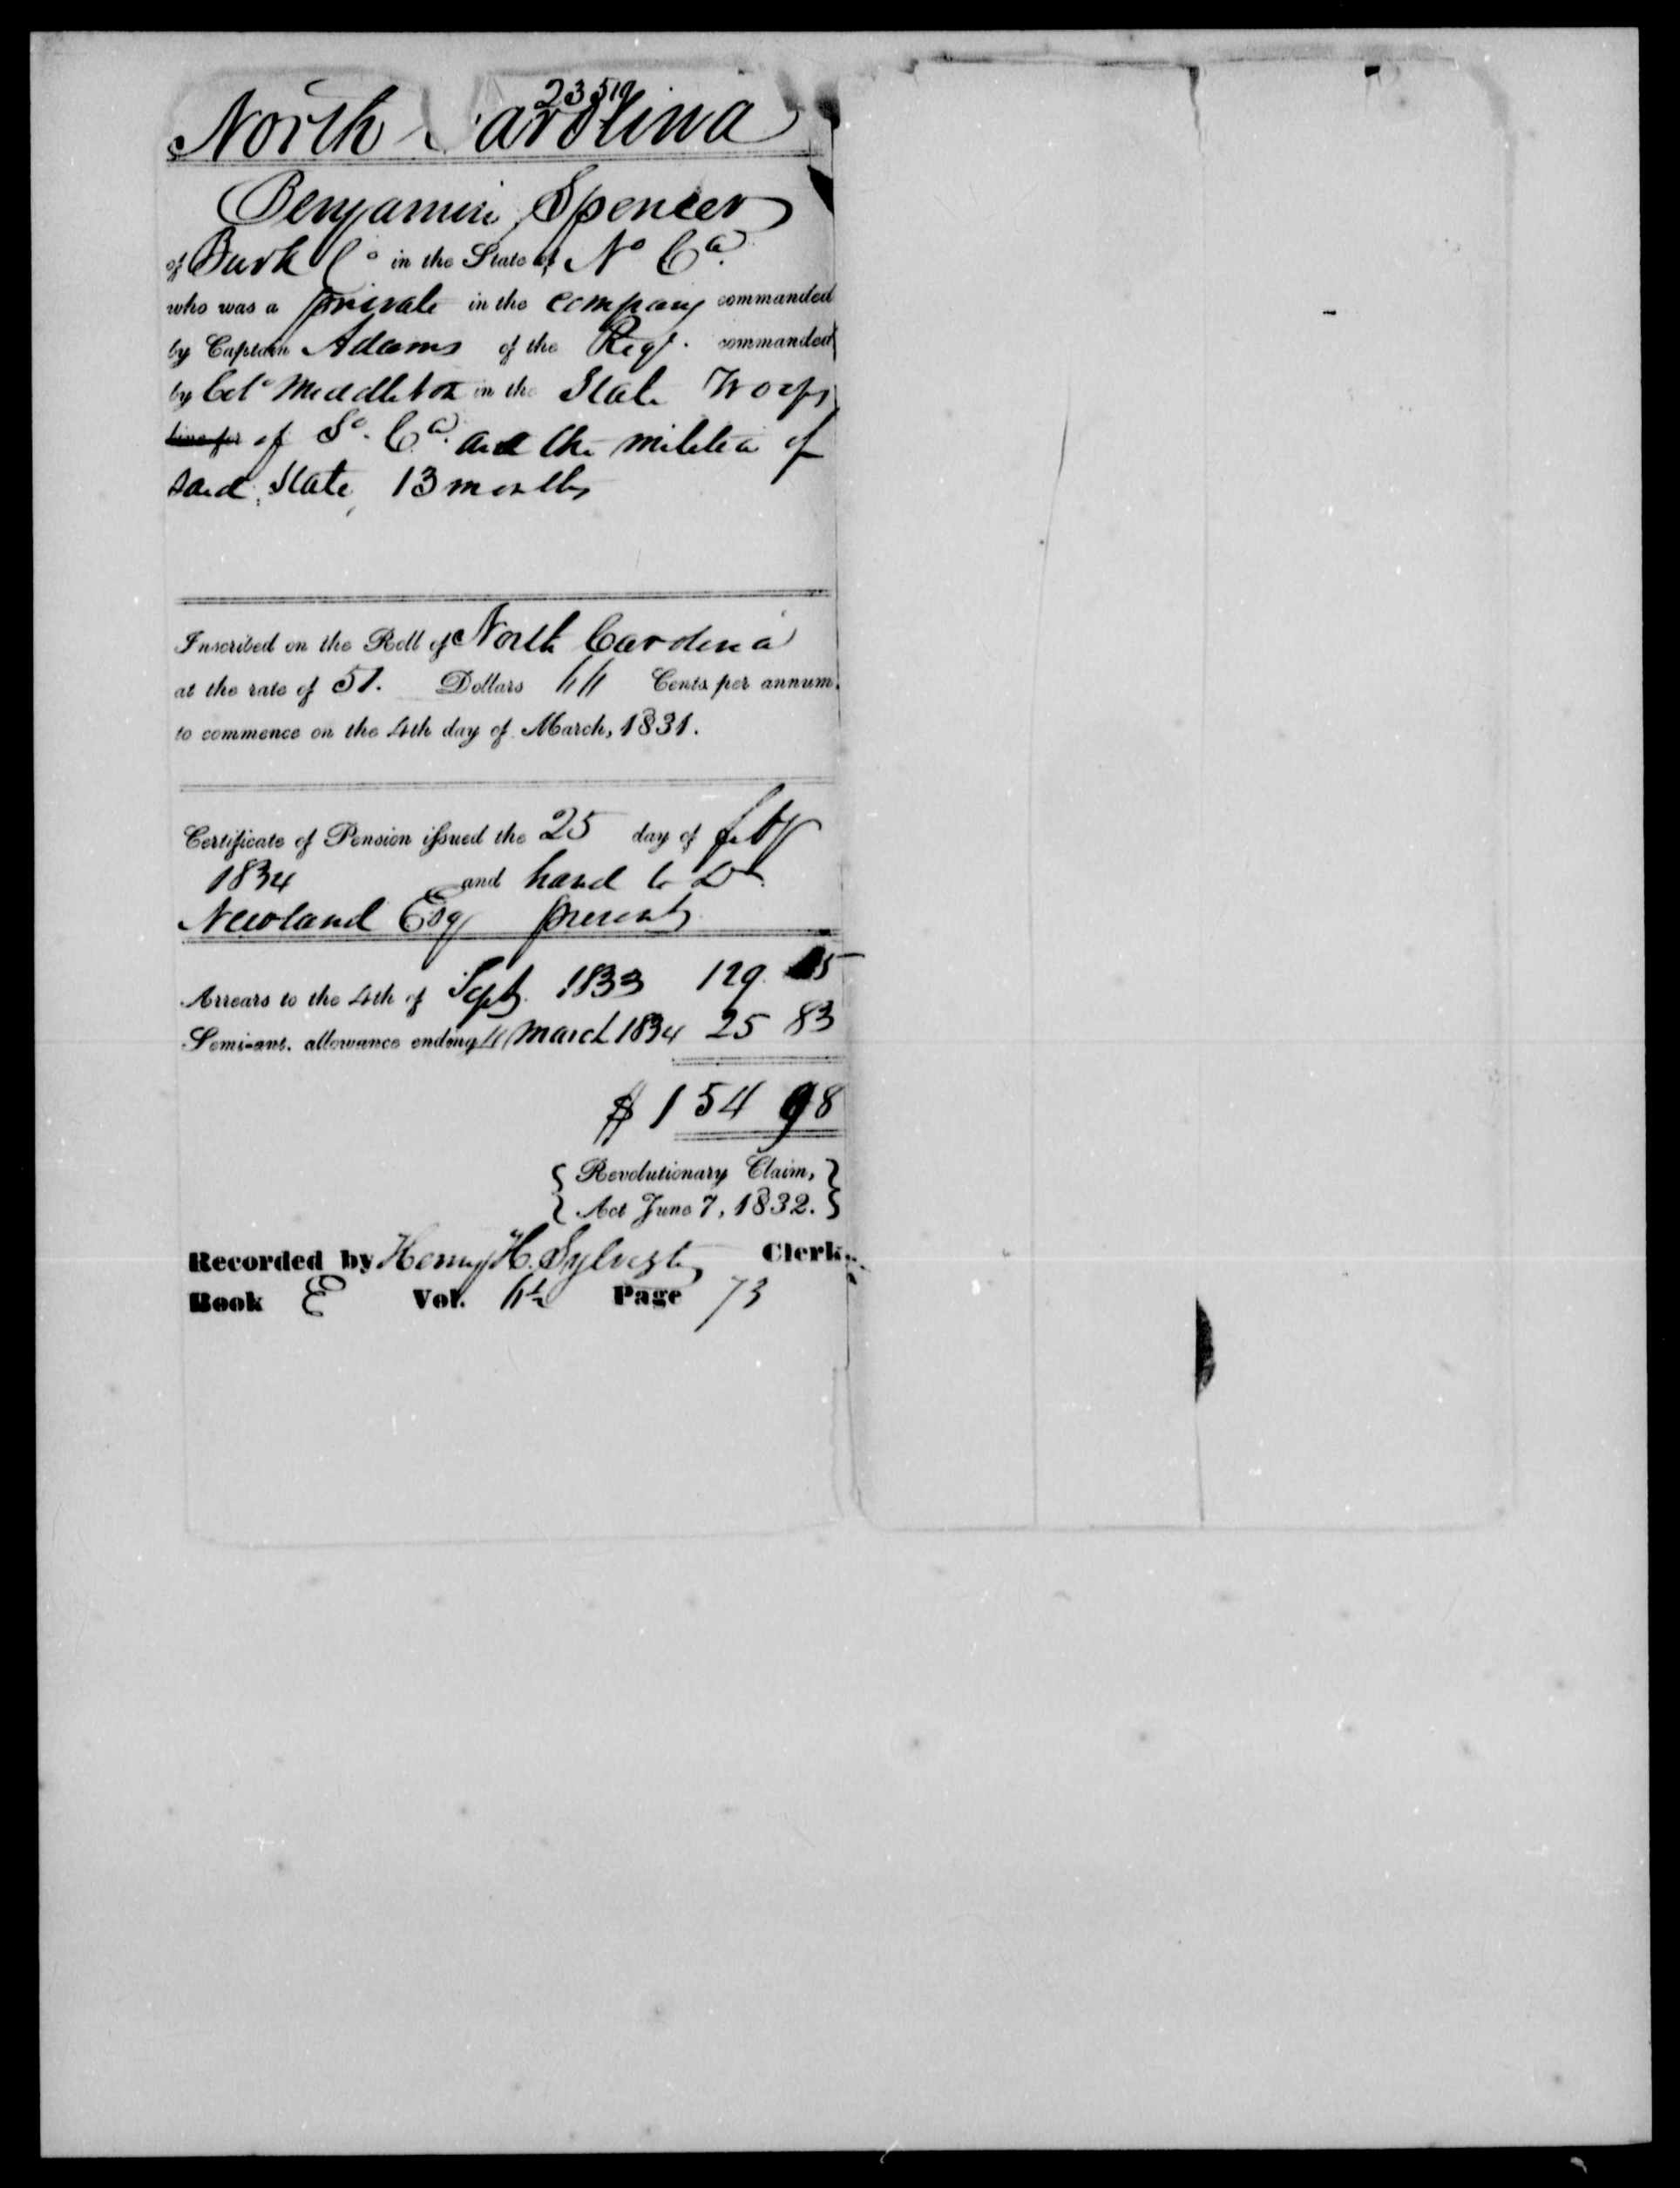23519
North Carolina
Benjamin Spencer of Burke Co in the State of No. Ca.
who was a private in the company commanded  by Captain Adams of the Regt. commanded by Col Middleton in the State Troops of So. Ca. and the militia of said State, 13 months

Inscribed on the Roll of North Carolina at the rate of 51 Dollars 00 Cents per annum, to commence on the 4th day of March, 1831

Certificate of Pension issued the 25 day of Feby 1834 and hand to D Newland Esq private

Arrears to the 4th of Sept 1833  129.15
Semi-ane. allowance ending March 1834 25 83
$154. 98
{Revolutionary Claim, Act June 7, 1832}
Recorded by Henry H. Sylvester Clerk
Book E Vol. 6 1/2
Page 73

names: Henry H Sylvester; [BLANK] Middleton; Benjamin Spencer; D Newland; [BLANK] Adams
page: 3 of 63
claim: widow's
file: W. 6158, for Benjamin Spencer, North Carolina